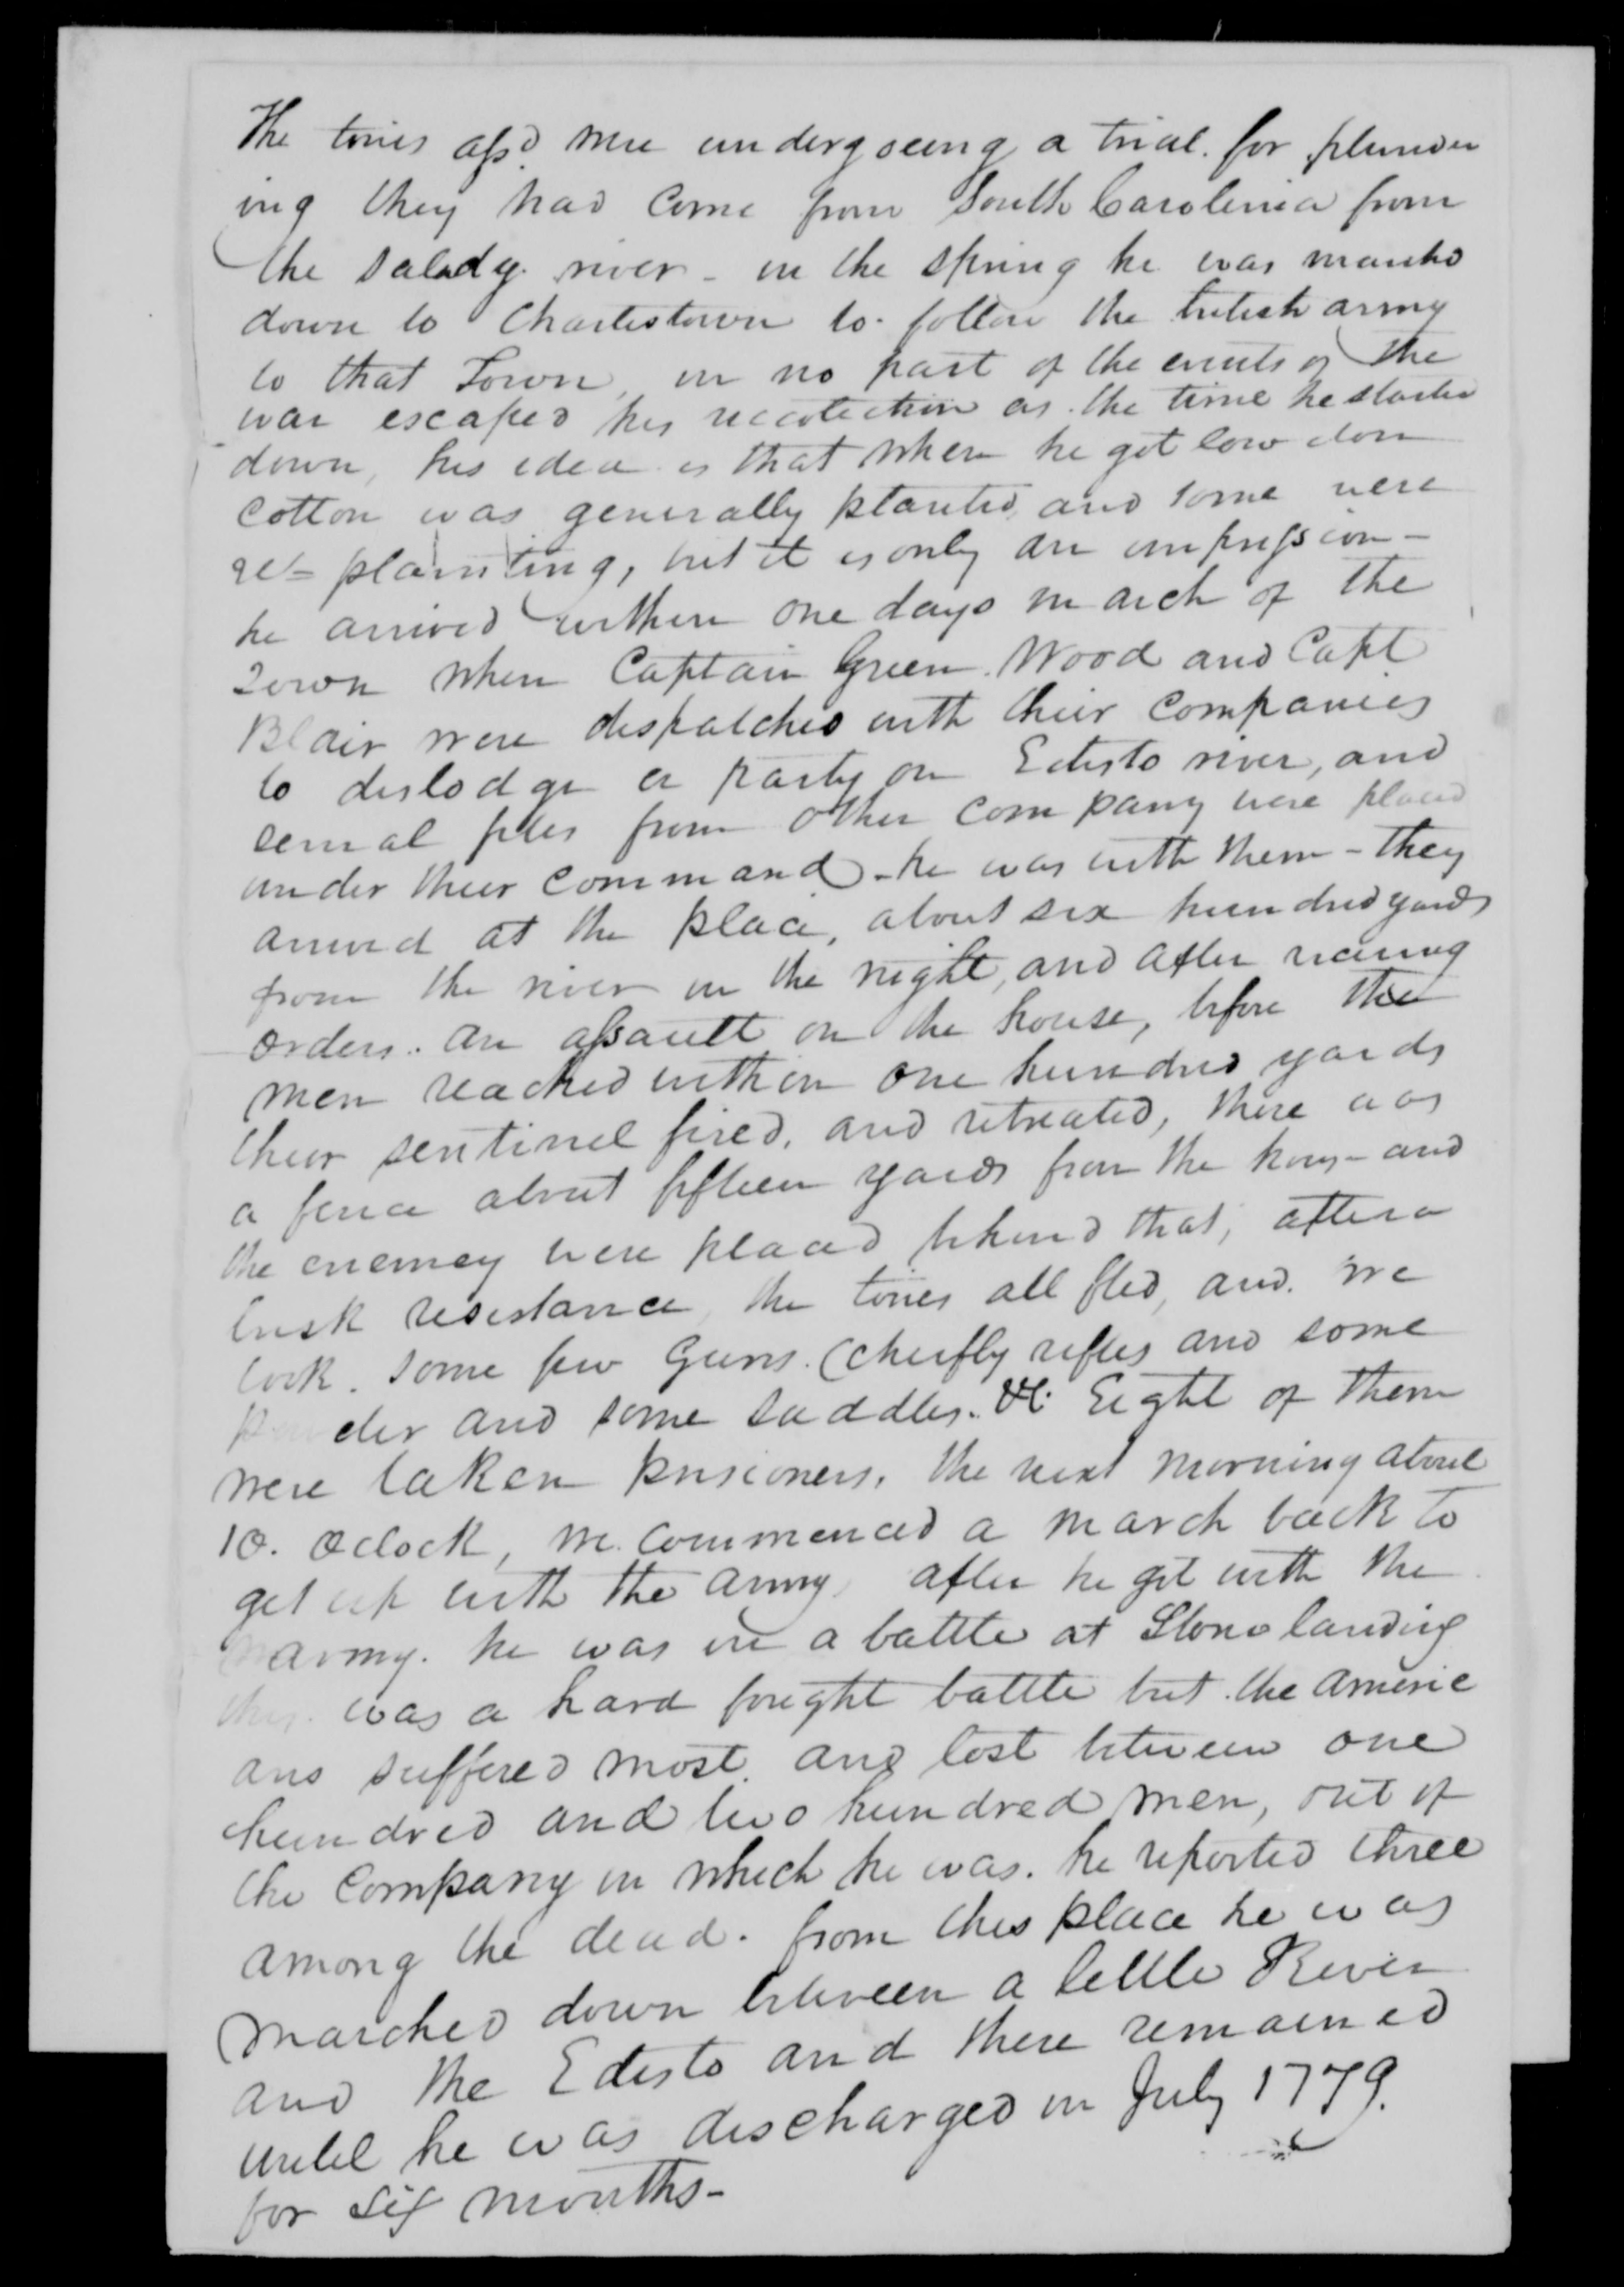The Tories appeared more under going a trial for plundering they had come from South Carolina from the Salady river in the spring he was marched down to Charleston to follow the British army to that town in no parts of the events of the war escapes his recollection as the time he slacks down his idea is that when he got low close cotton was generally planted and some were planting but it is only an impression - he arrived within one days march of the town when Captain Green Wood and Capt. Blair were dispatched with their companies to dislodge a party on Edisto river, and several files from other companies  were placed under their command - he was with them - they arrived at the place , about six hundred yards from the river in the night , and after receiving orders an assault on the house , before these men reached within one hundred yards their sentinel fired, and retreated, there was a fence about fifteen yards from the river and the enemy were placed behind that .. ( illegible ) resistance , the Tories all fled and we took some few guns chiefly some rifles and some powder and some saddles etc., Eight of them were taken prisoner the next morning about 10 o'clock we commenced a march back to get up with the army , after he got with the army he was in a battle at Stone landing there was a hard fought battle but the Americans suffered most and lost between one hundred and two hundred men, out of the company in which he was , he reported three among the dead, from this place he was marched down between a little river and the Edisto and there remained until he was discharged in July 1779 for six months-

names: Blair, Green Wood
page: 22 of 100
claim: widow's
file: W. 6437, Richard Wells, Ga Va.